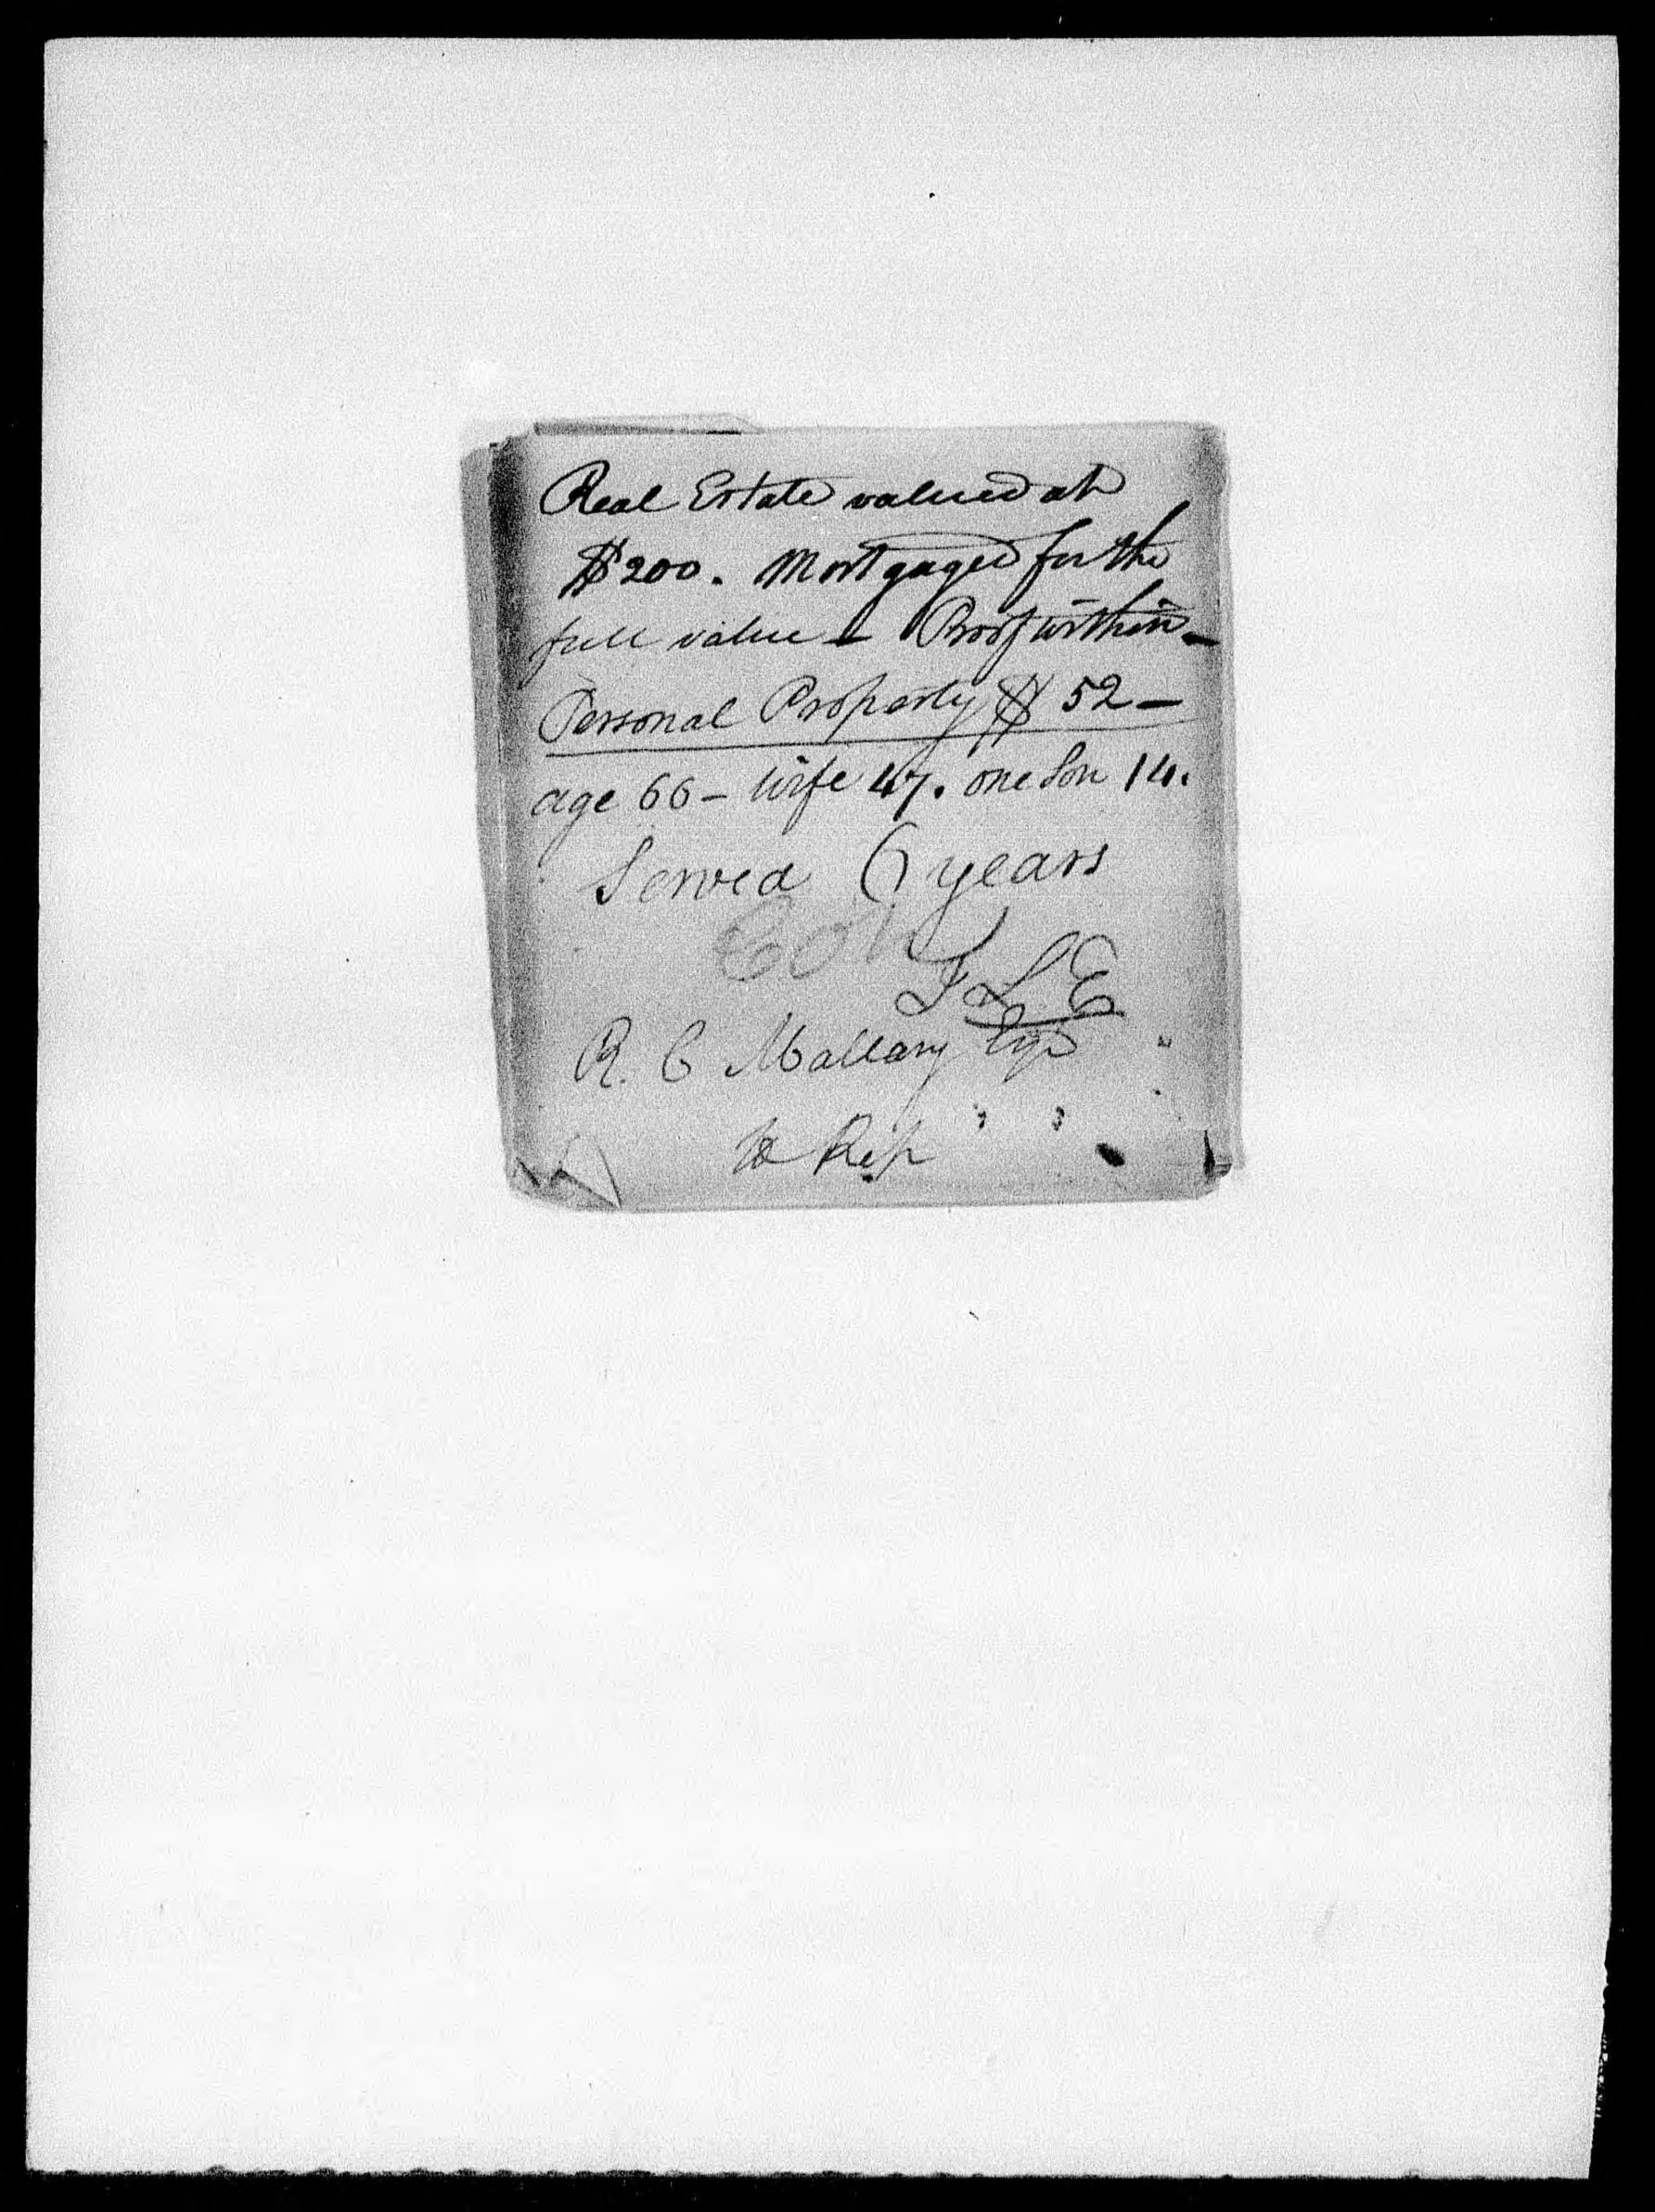Real Estate valued at $200. Mortgage for the full value - Proof within - Personal Proterty $52 - 
Age 66 - wife 47. one son 14.
Served 6 years
Con   J L E
R. C. Mallon Esq
to rep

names: R C Mallary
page: 12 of 30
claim: survivor's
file: S. 39306, Benjamin Chamberlin, Mass.